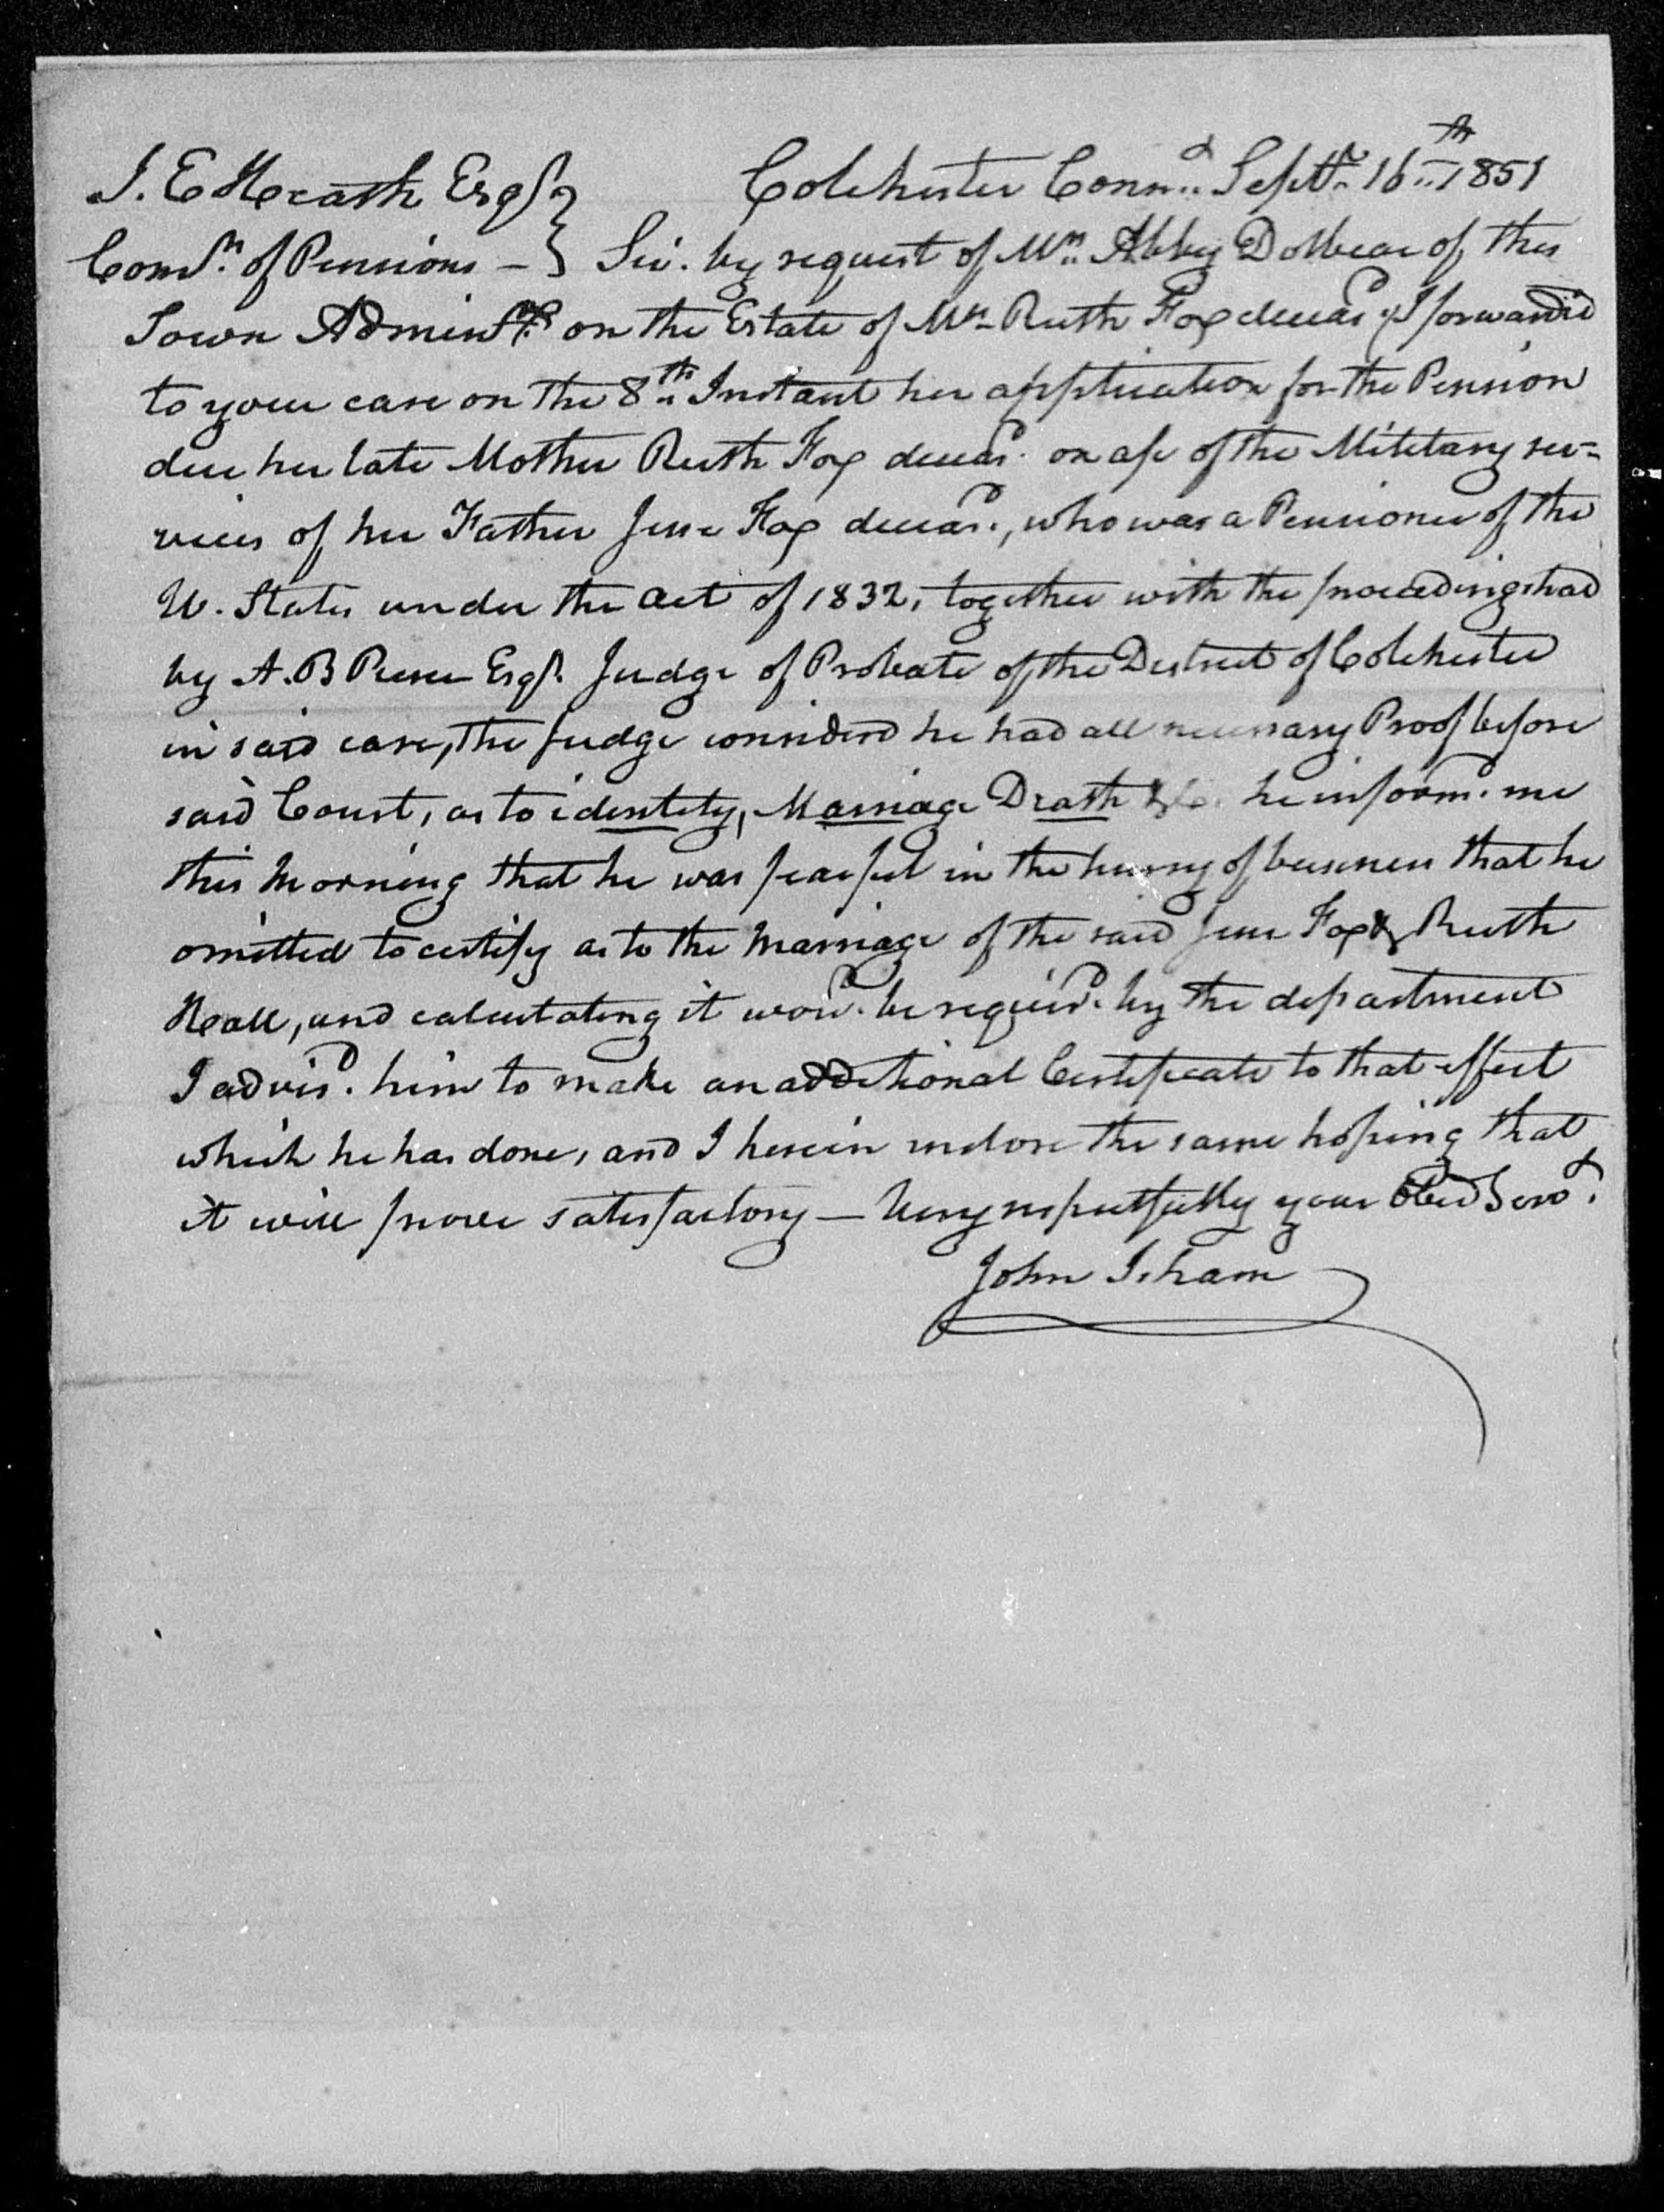J. E. Heath Esq. Commr of Pensions} Colchester Connt Sept 16th 1851

Sir: by request of Mrs. Abby Dolbear of this Town admistr on the estate of Mrs. Ruth Fox deceased, I forwarded to your care on the 8th Instant her application for the pension due her late Mother Ruth Fox decesd on ap of te military services of her Father Jesse Fox deceasd, who was a pensioner of the U. States under the act of 1832, together with the proceedings had by A. B. Pierce Esq Judge of Probate of the District of Colchester in said care, the Judge considered he had all necessary proof before said County, at to identity, marriage, death &c. he informed me this morning that he was fearful in the hurry of business that he omitted to certify as to the marriage of the said Jesse Fox & Ruth Hall, and calculating it would requird by the department I advisd him to made an additional certificate to that effect which he has done, and I herein endorse the same hoping that it will prove satisfactory.  Very respectfully your obedt servt

John Isham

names: J E Heath, A B Pierce, Ruth Fox, Abby Dolbear, Ruth Hall, Jesse Fox, John Isham, Ruth Fox, Jesse Fox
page: 48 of 53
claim: rejected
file: R. 3732, Jesse Fox, Conn.